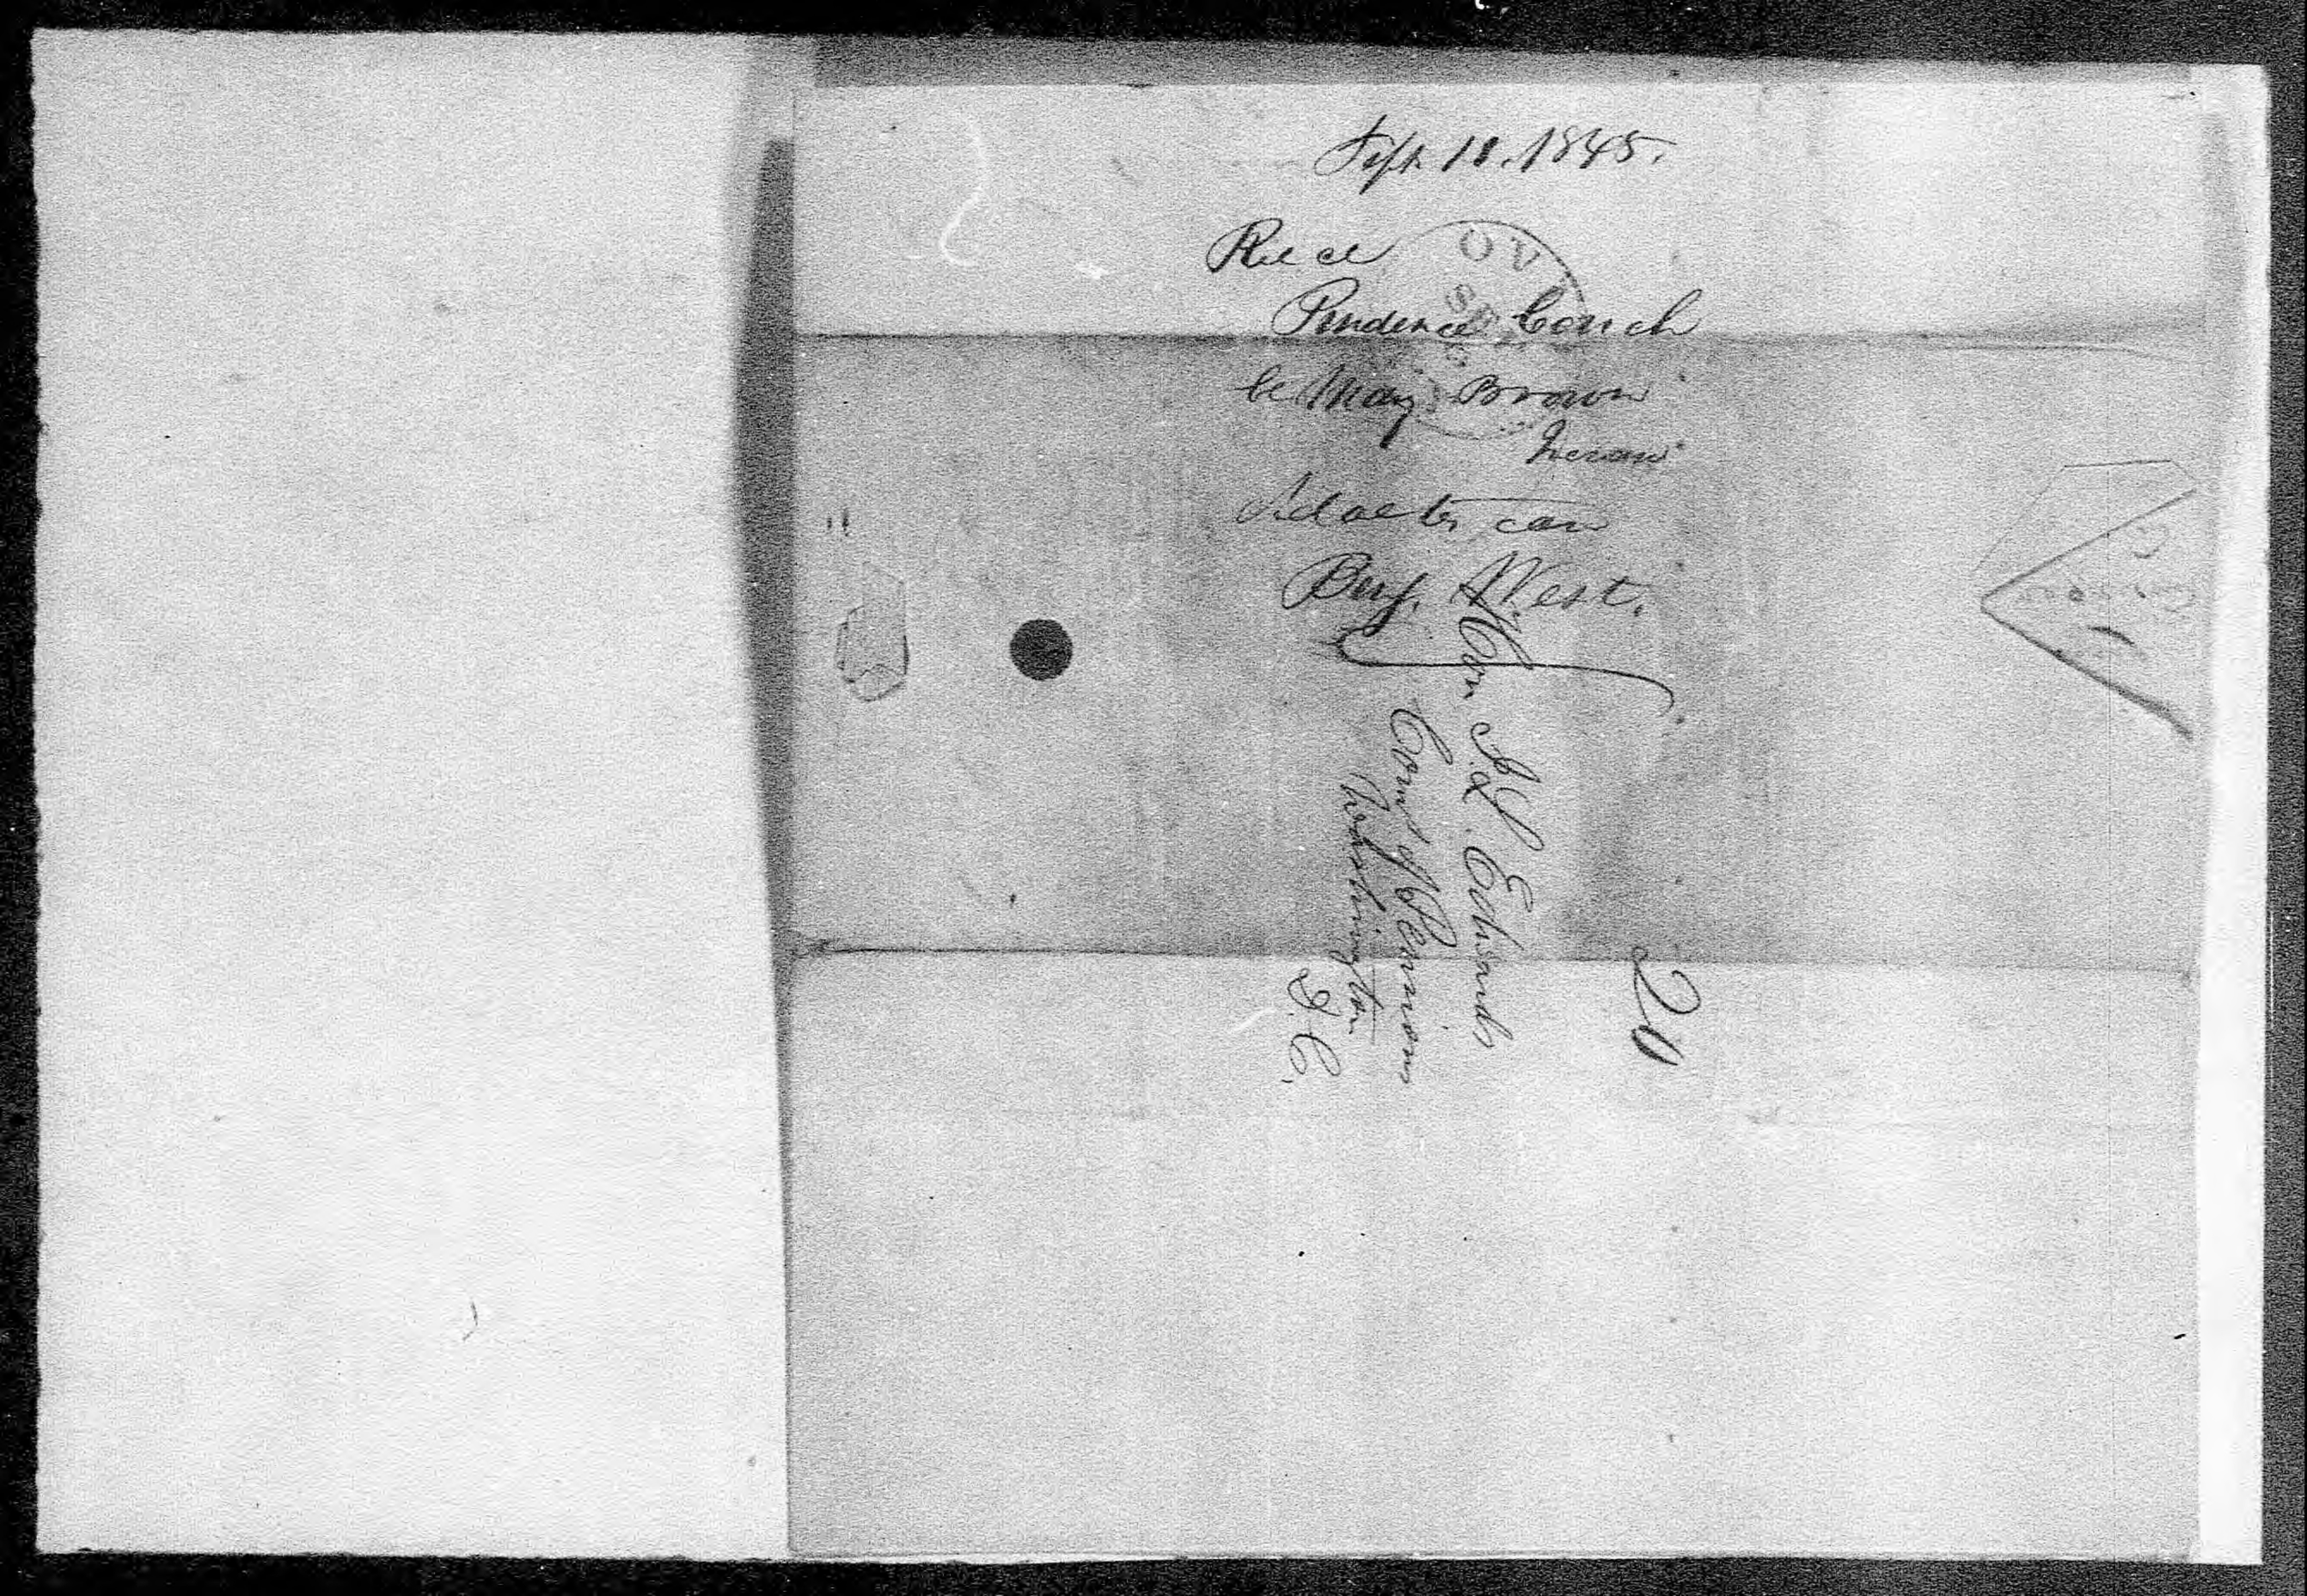Sept 18, 1845
Recd
Prudence Couch
be Mary Brown
Jermone
admd care
Benj West


Hon J L Edwards
Comr of Pensions
Washington
DC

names: J L Edwards, May Brown, Prudence Couch, Benj West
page: 36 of 68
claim: rejected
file: R. 2,360, John Couch, Conn.